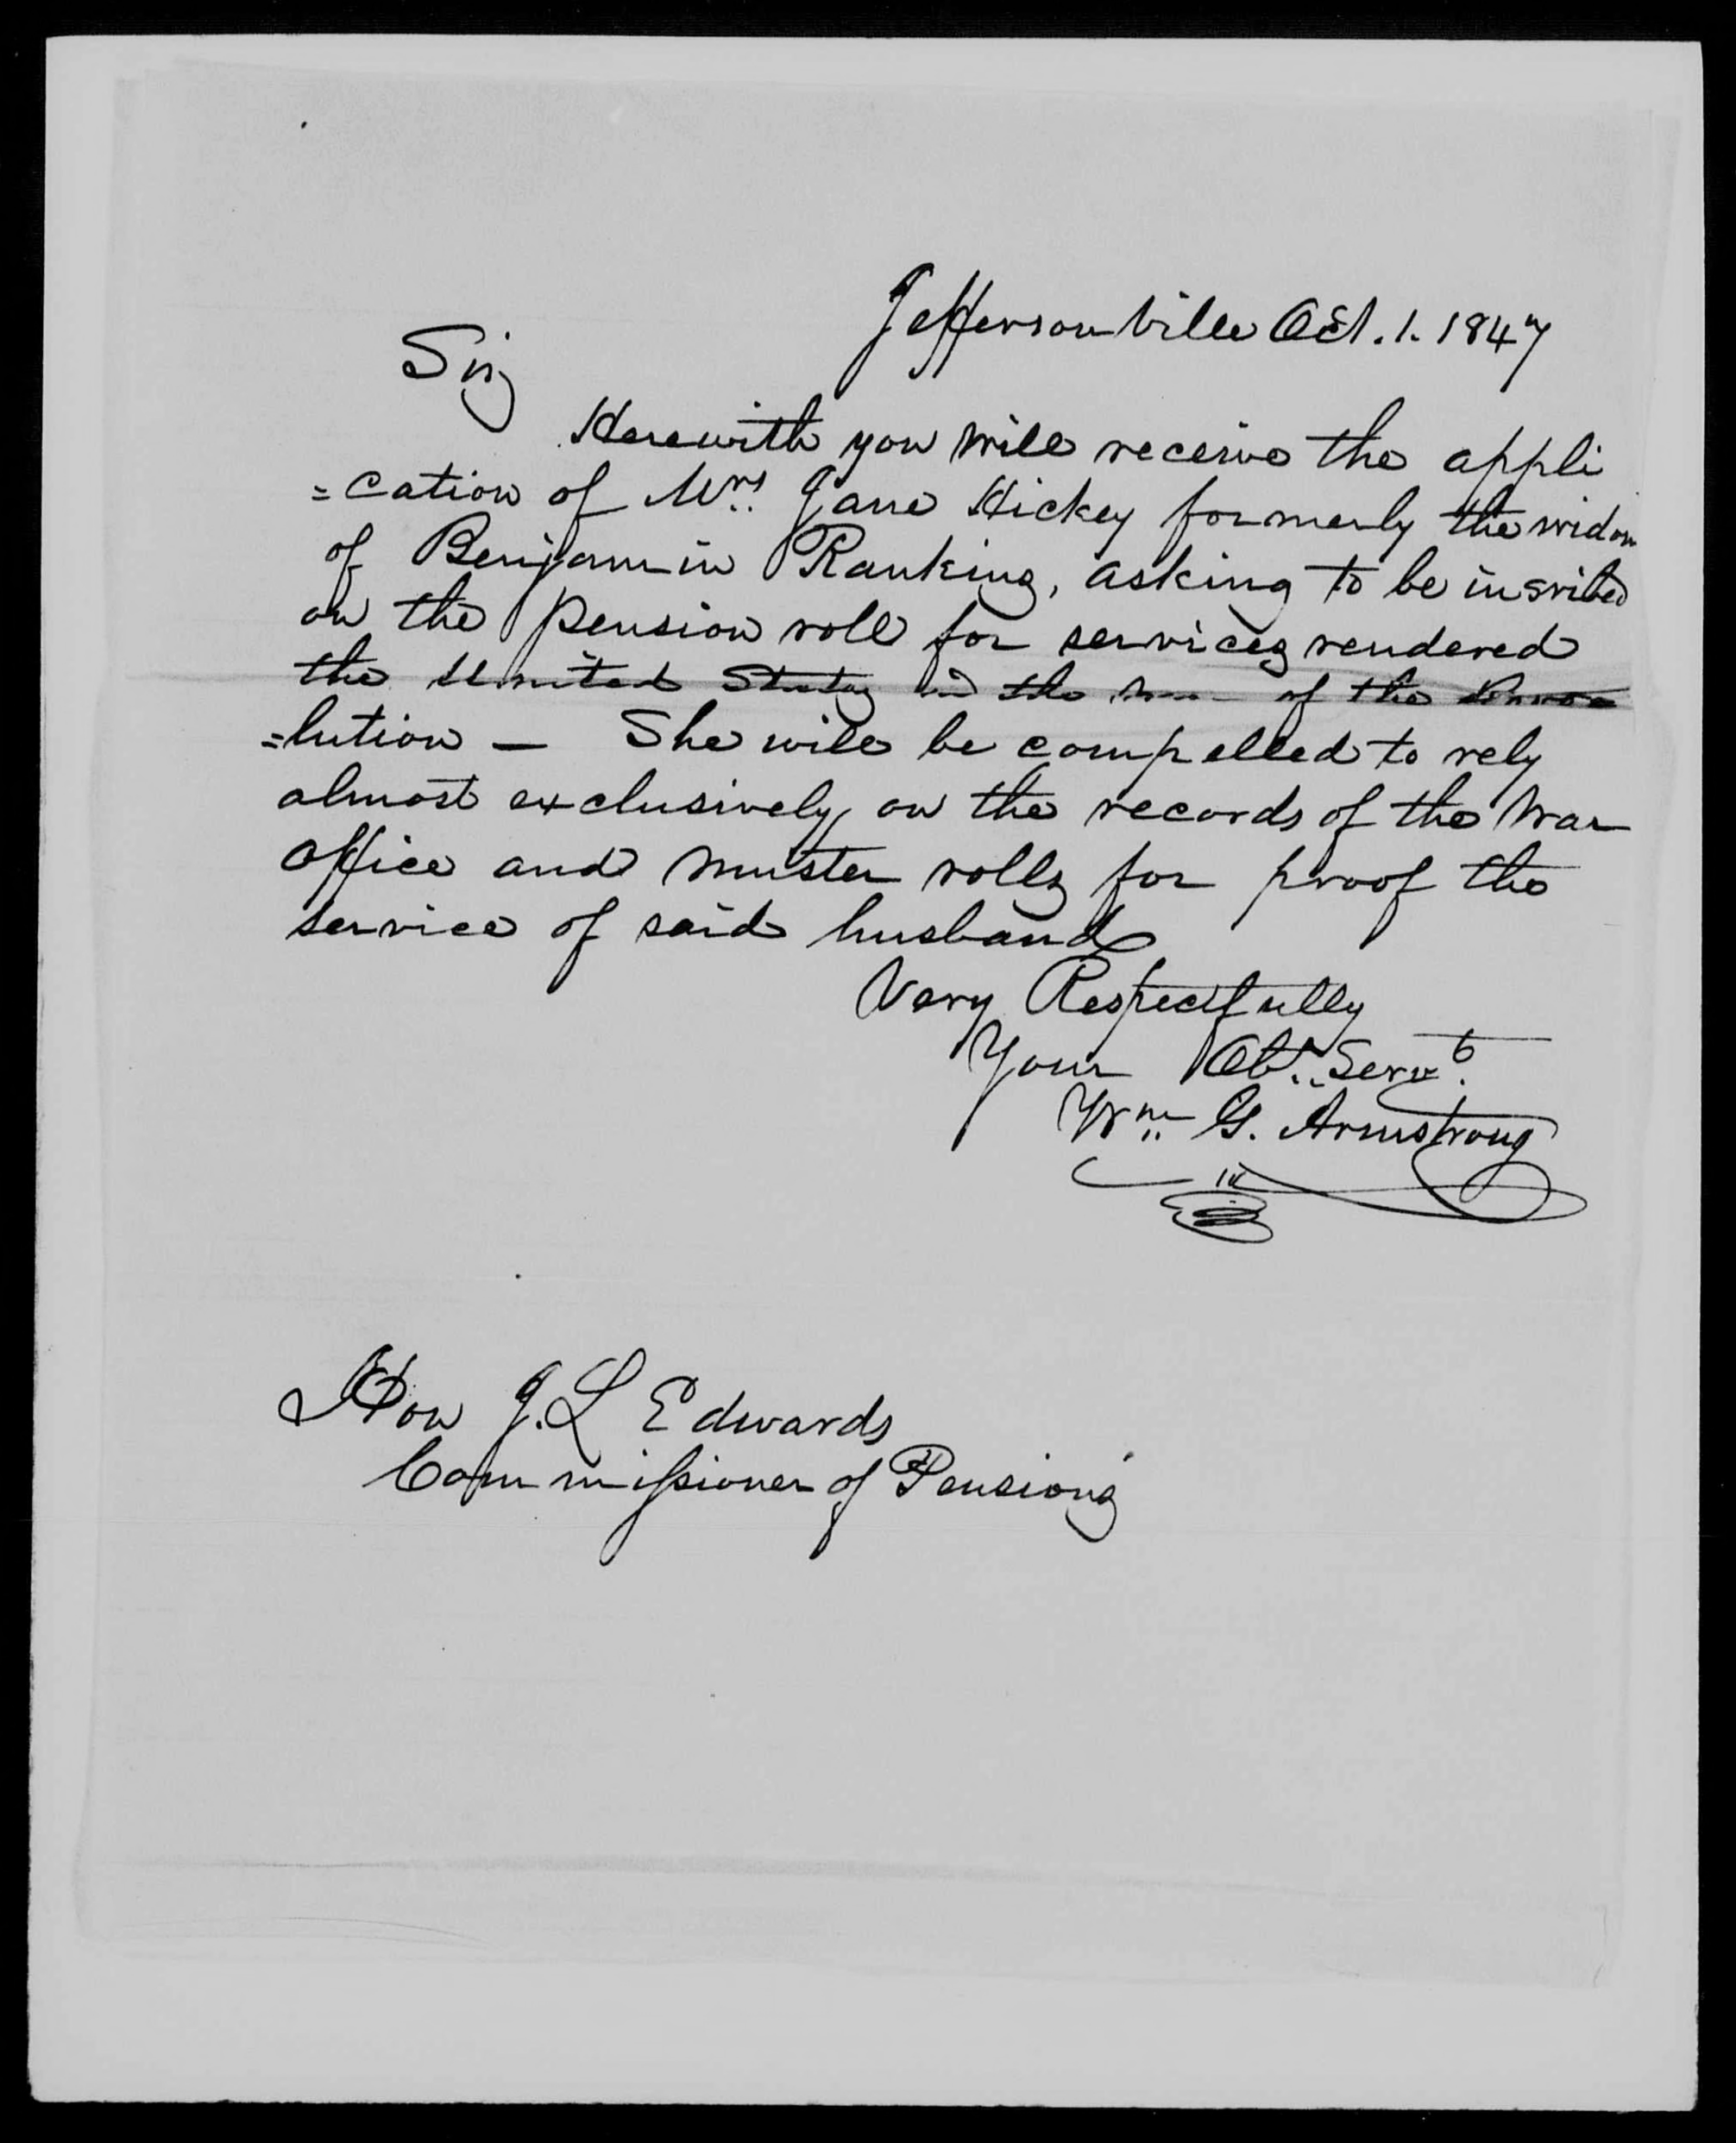Jeffersonville Oct 1 1847
Sir,
Herewith you will receive the application of Mrs Jane Hickey formerly the widow
of Benjamin Rankins, asking to be inscribed
on the pension roll for services rendered
the United States in the War of the Revolution - She will be compelled to rely almost exclusively on the records of the War
office and muster rolls for proof the
service of said husband
Very Respectfully
Your Obt Servt
Wm G. Armstrong
Hon J.L. Edwards
Commissioner of Pensions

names: Benjamin Rankins, Wm G Armstrong, Jane Hickey, J L Edwards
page: 77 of 84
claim: widow's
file: W. 7744, Daniel Hickey, Penn.